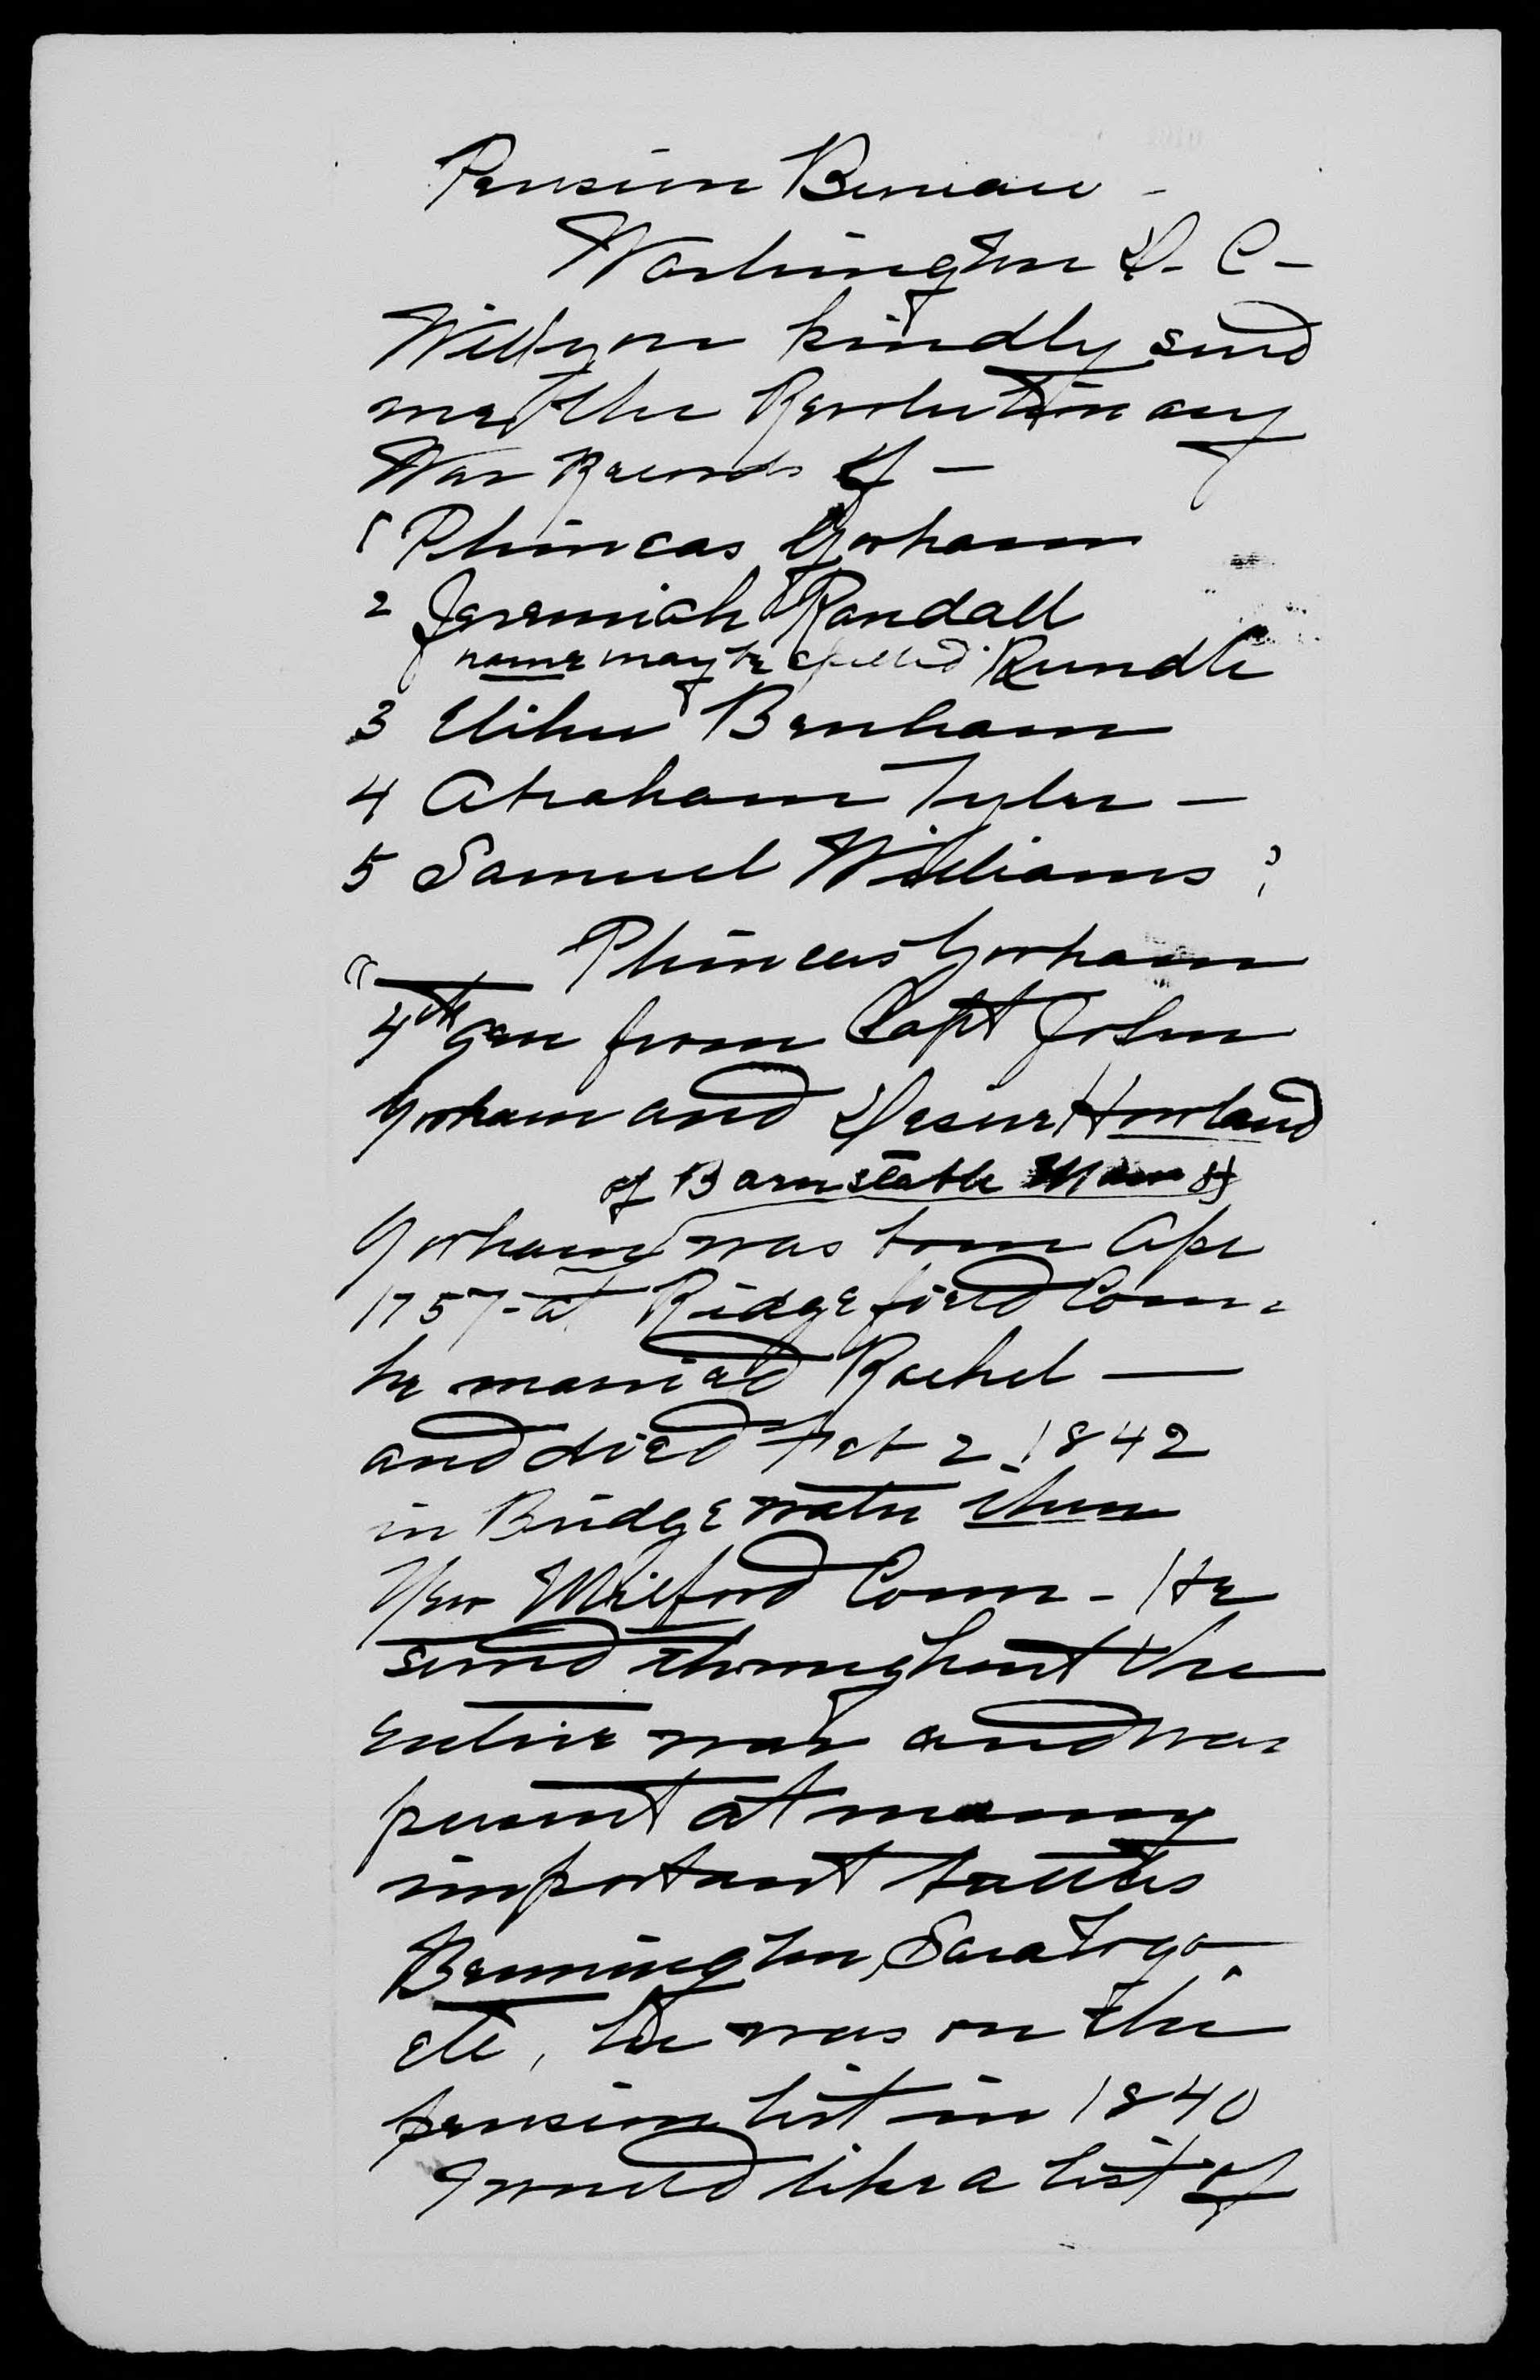Pension Bureau -  
Washington D.C. -
Will you kindly send me the Revolutionary War records of -  
1 Phineas Gorham 
2 Jeremiah Randall  name may be spelled Rundle
3 Elihu Benham 
4 Abraham Tyler - 
5 Samuel Williams ?

Phineas Gorham 4th gen from Capt John Gorham and Jesse Howland of Barnstable Mass 
Gorham was born Apr 1757 at Ridgeford Conn he marriald Rachel ? and died Feb 2 1842 in Bridgewater near New Milford Conn. He served throughout the entire war and was present at many important battles Bennington, Saratoga, etc. He was on the pensions list in 1840.
I would like a list of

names: John Gorham, Phineas Gorham, Elihu Benham, Phineas Gorham, Gorham, Abraham Tyler, Samuel Williams, Rundle, Jeremiah Randall, Rachel, Desire Howland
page: 37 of 45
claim: survivor's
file: S. 15748, Elihu Benham, Conn.